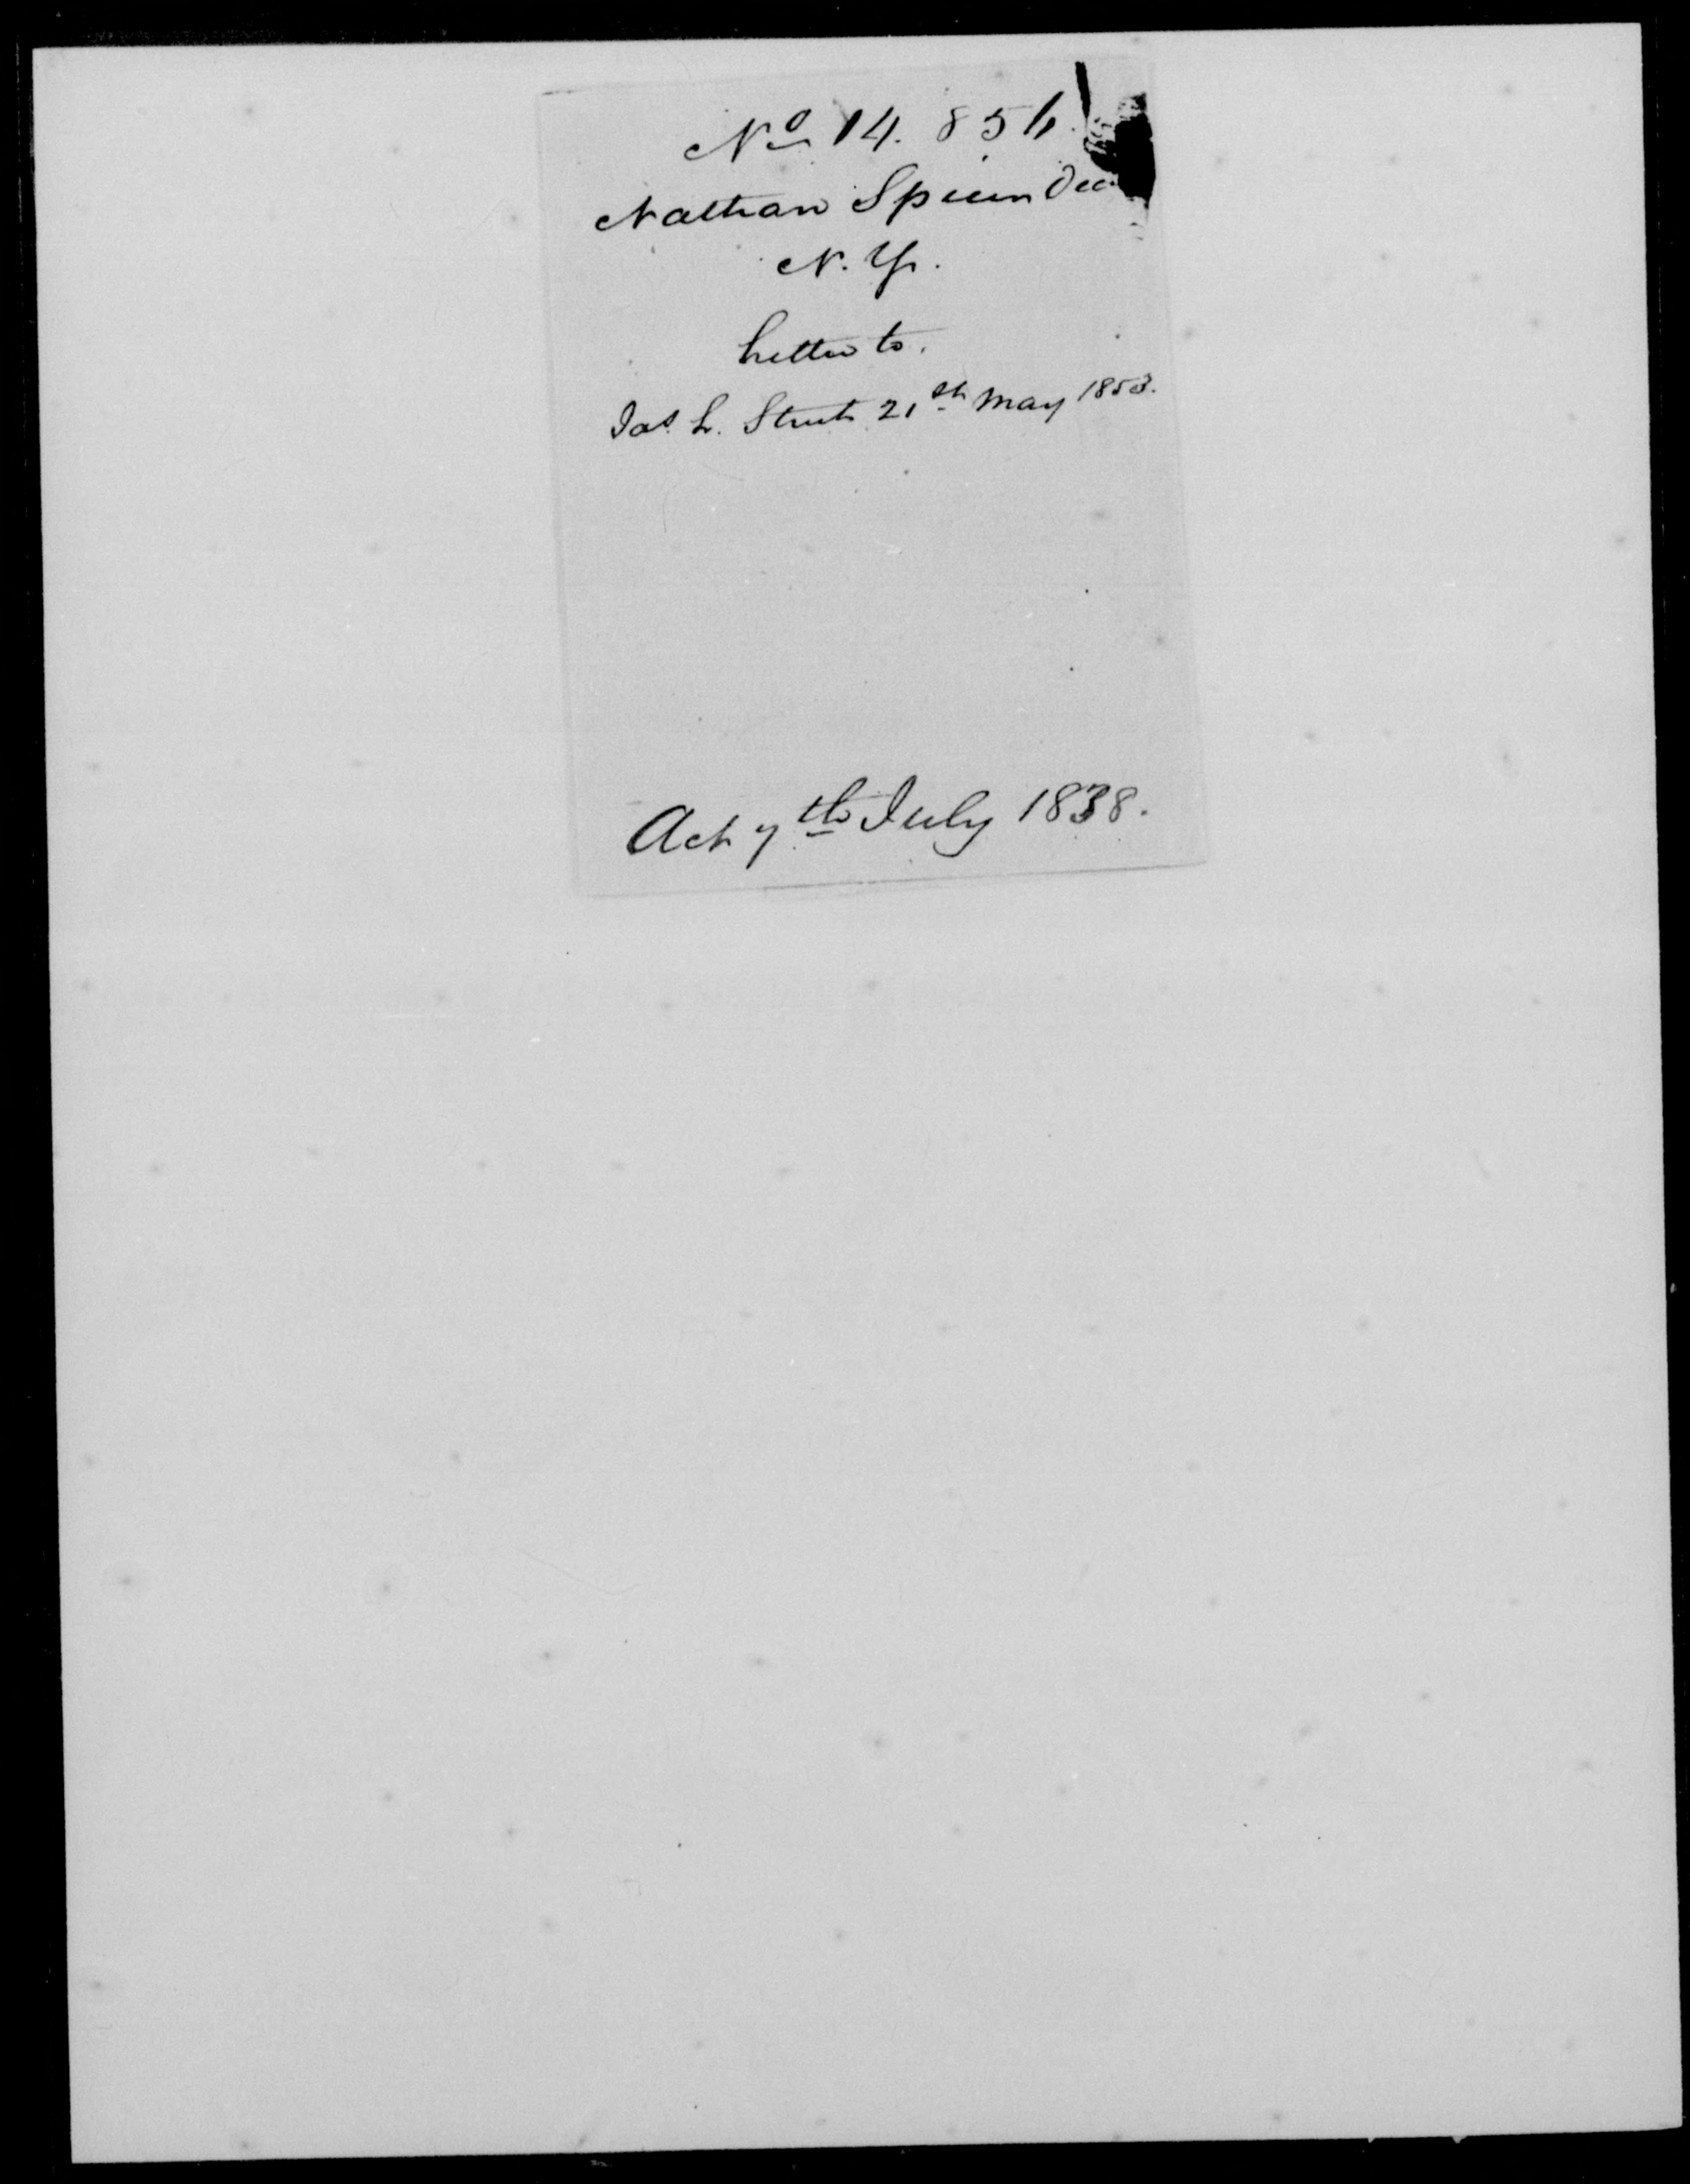No 14.856
Nathan Spicer Decd
N.Y.
letter to
Jas. L. Street 21st May 1853
Act 7th July 1838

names: Nathan Spicer; Jas L Street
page: 11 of 33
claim: rejected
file: R. 5603, for Nathan Spicer, New York